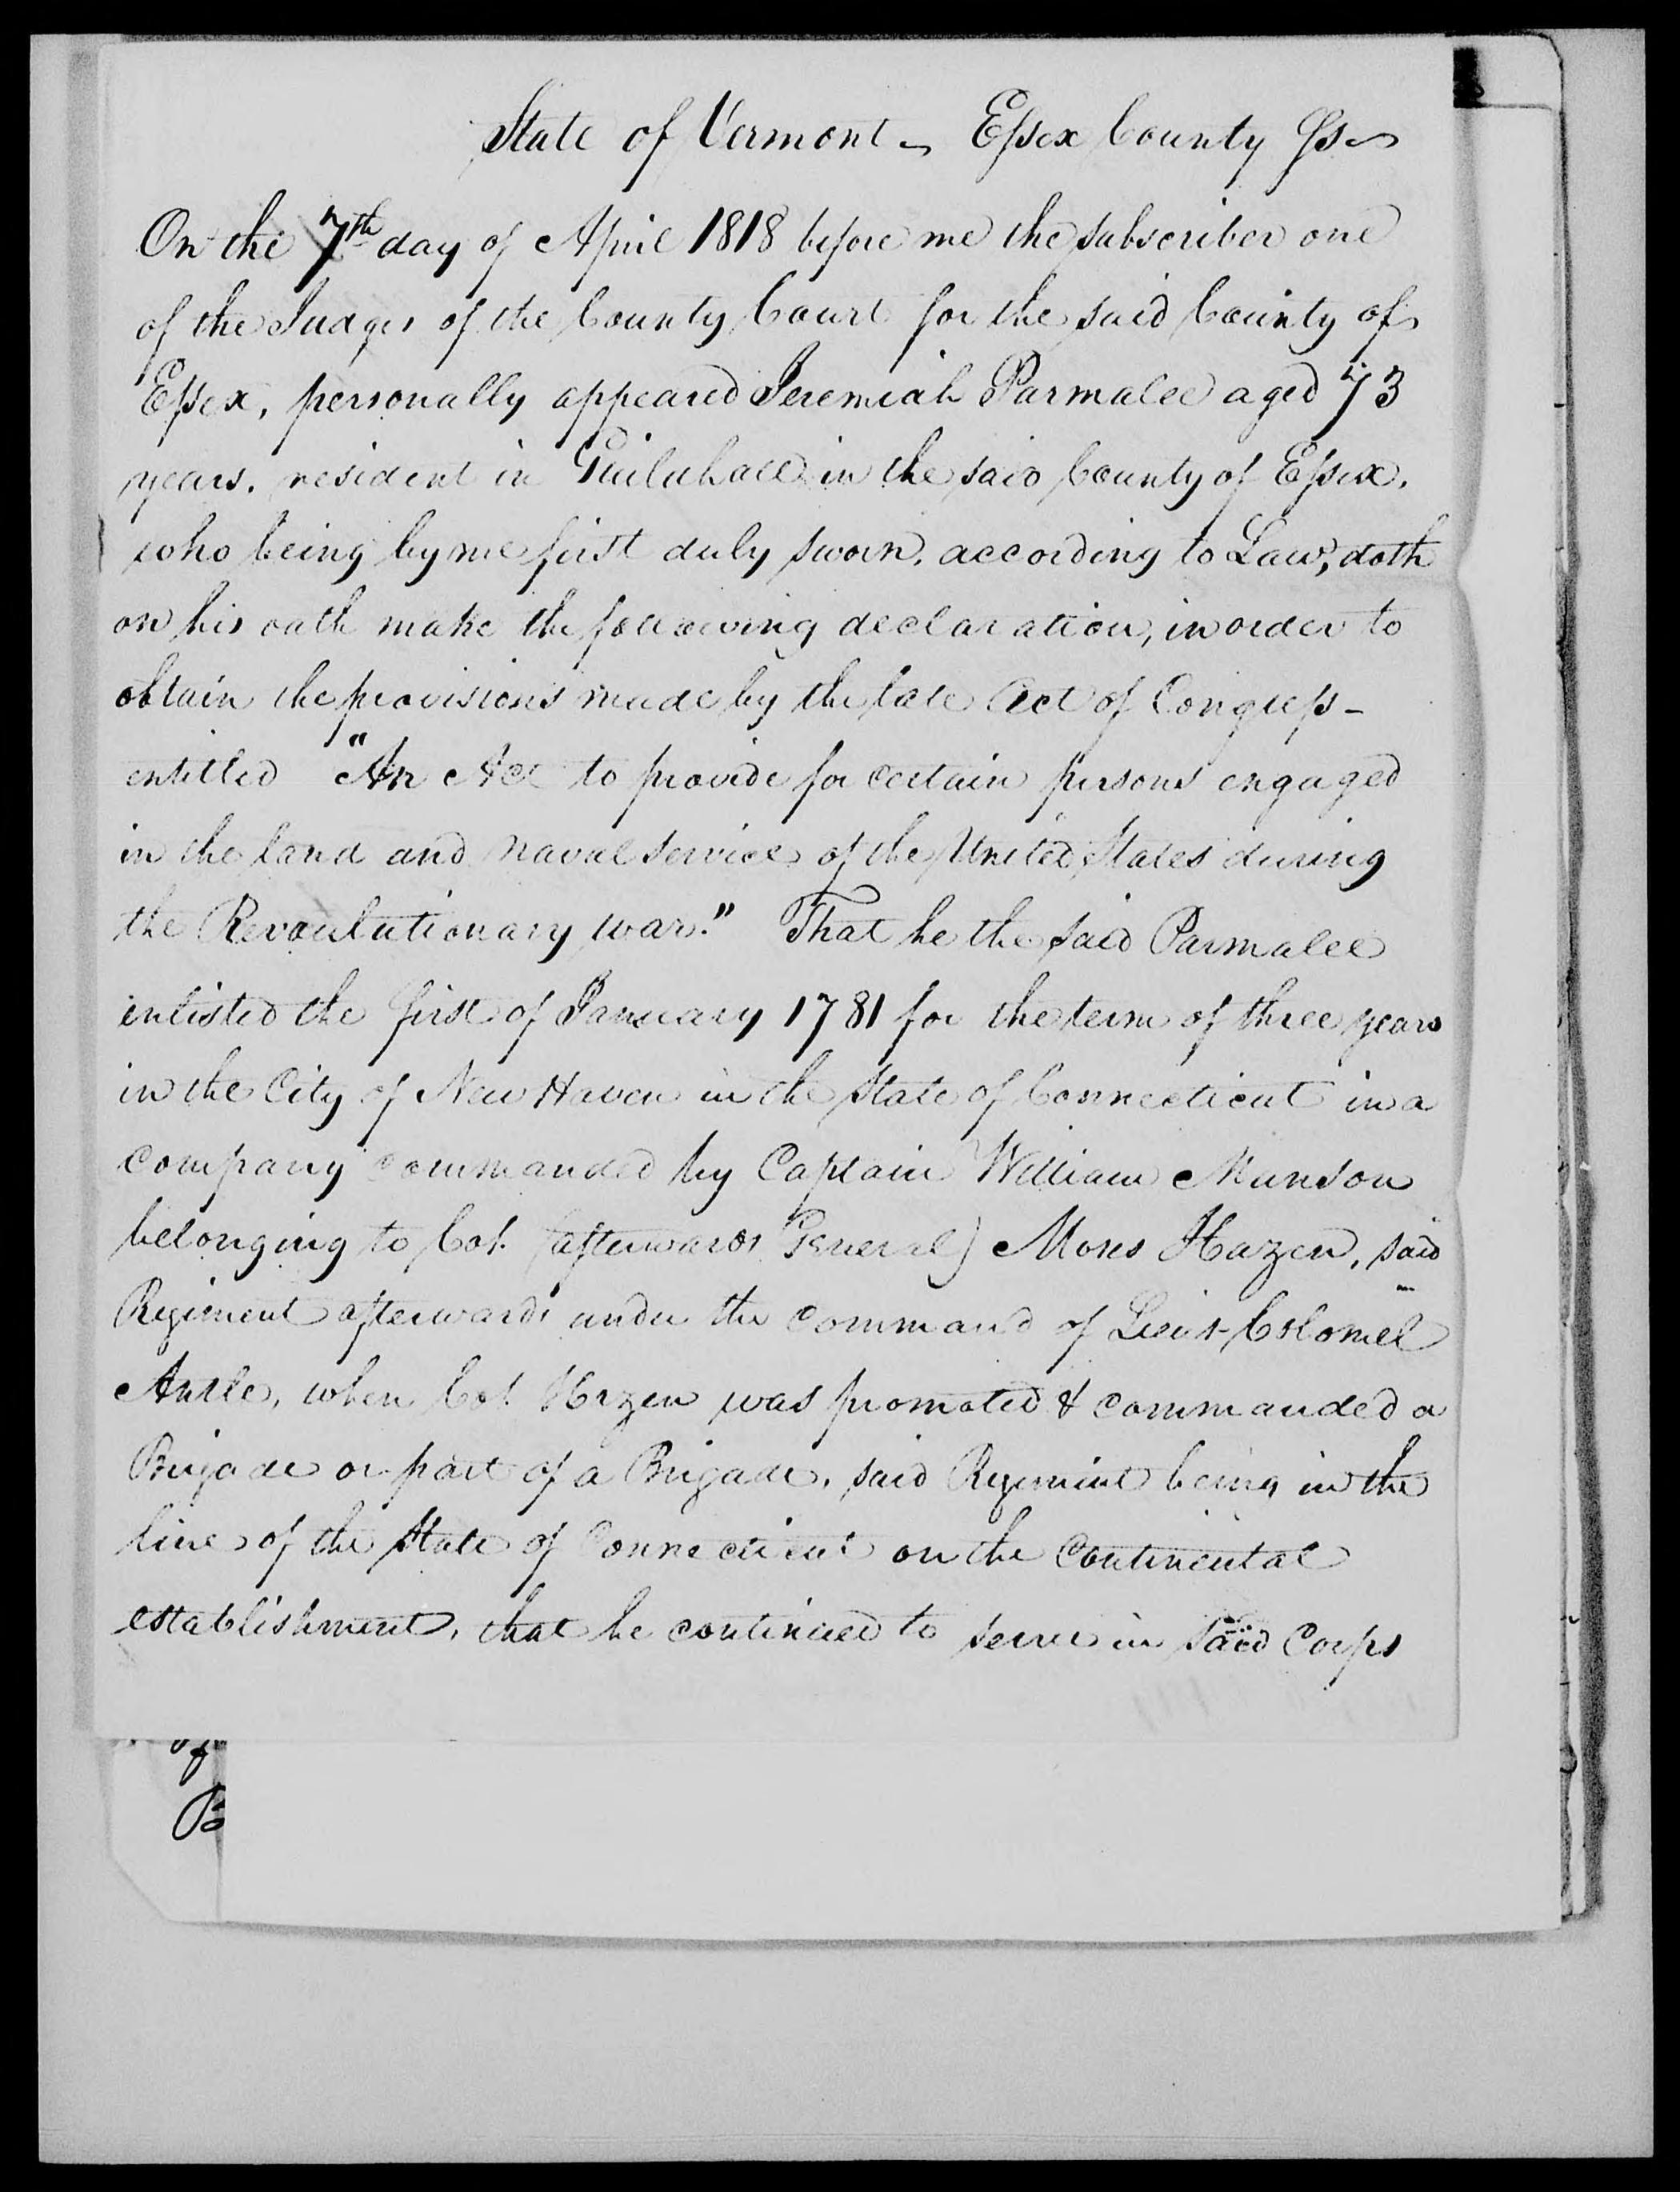State of Vermont, Essex County SS
On the 7th day of April 1818 before me the subscriber one of the Judges of the County Court for the said County of Essex, personally appeared Jeremiah Parmalee aged 73 years, resident in Guildhall in the said County of Essex, who being by me first duly sworn, according to Law, doth on his oath make the following declaration, in order to obtain the provisions made by the late Act of Congress—entitled “An Act to provide for certain persons engaged in the land and naval service of the United States during the Revolutionary War.” That he, the said Parmalee, enlisted the first of January 1781 for the term of three years in the city of New Haven in the State of Connecticut in a company commanded by Captain William Munson belonging to Col. afterwards General Moses Hazen, said Regiment afterwards under the command of Lieut-Colonel Antle, when Col Hazen was promoted & commanded a Brigade or part of a Brigade, said Regiment being in this line of the State of Connecticut on the Continental establishment, that he continued to serve in the said Corps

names: Jeremiah Parmalee; William Munson; Moses Hazen; [BLANK] Antle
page: 5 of 11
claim: survivor's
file: S. 41,048, for Jeremiah Parmalee, Connecticut